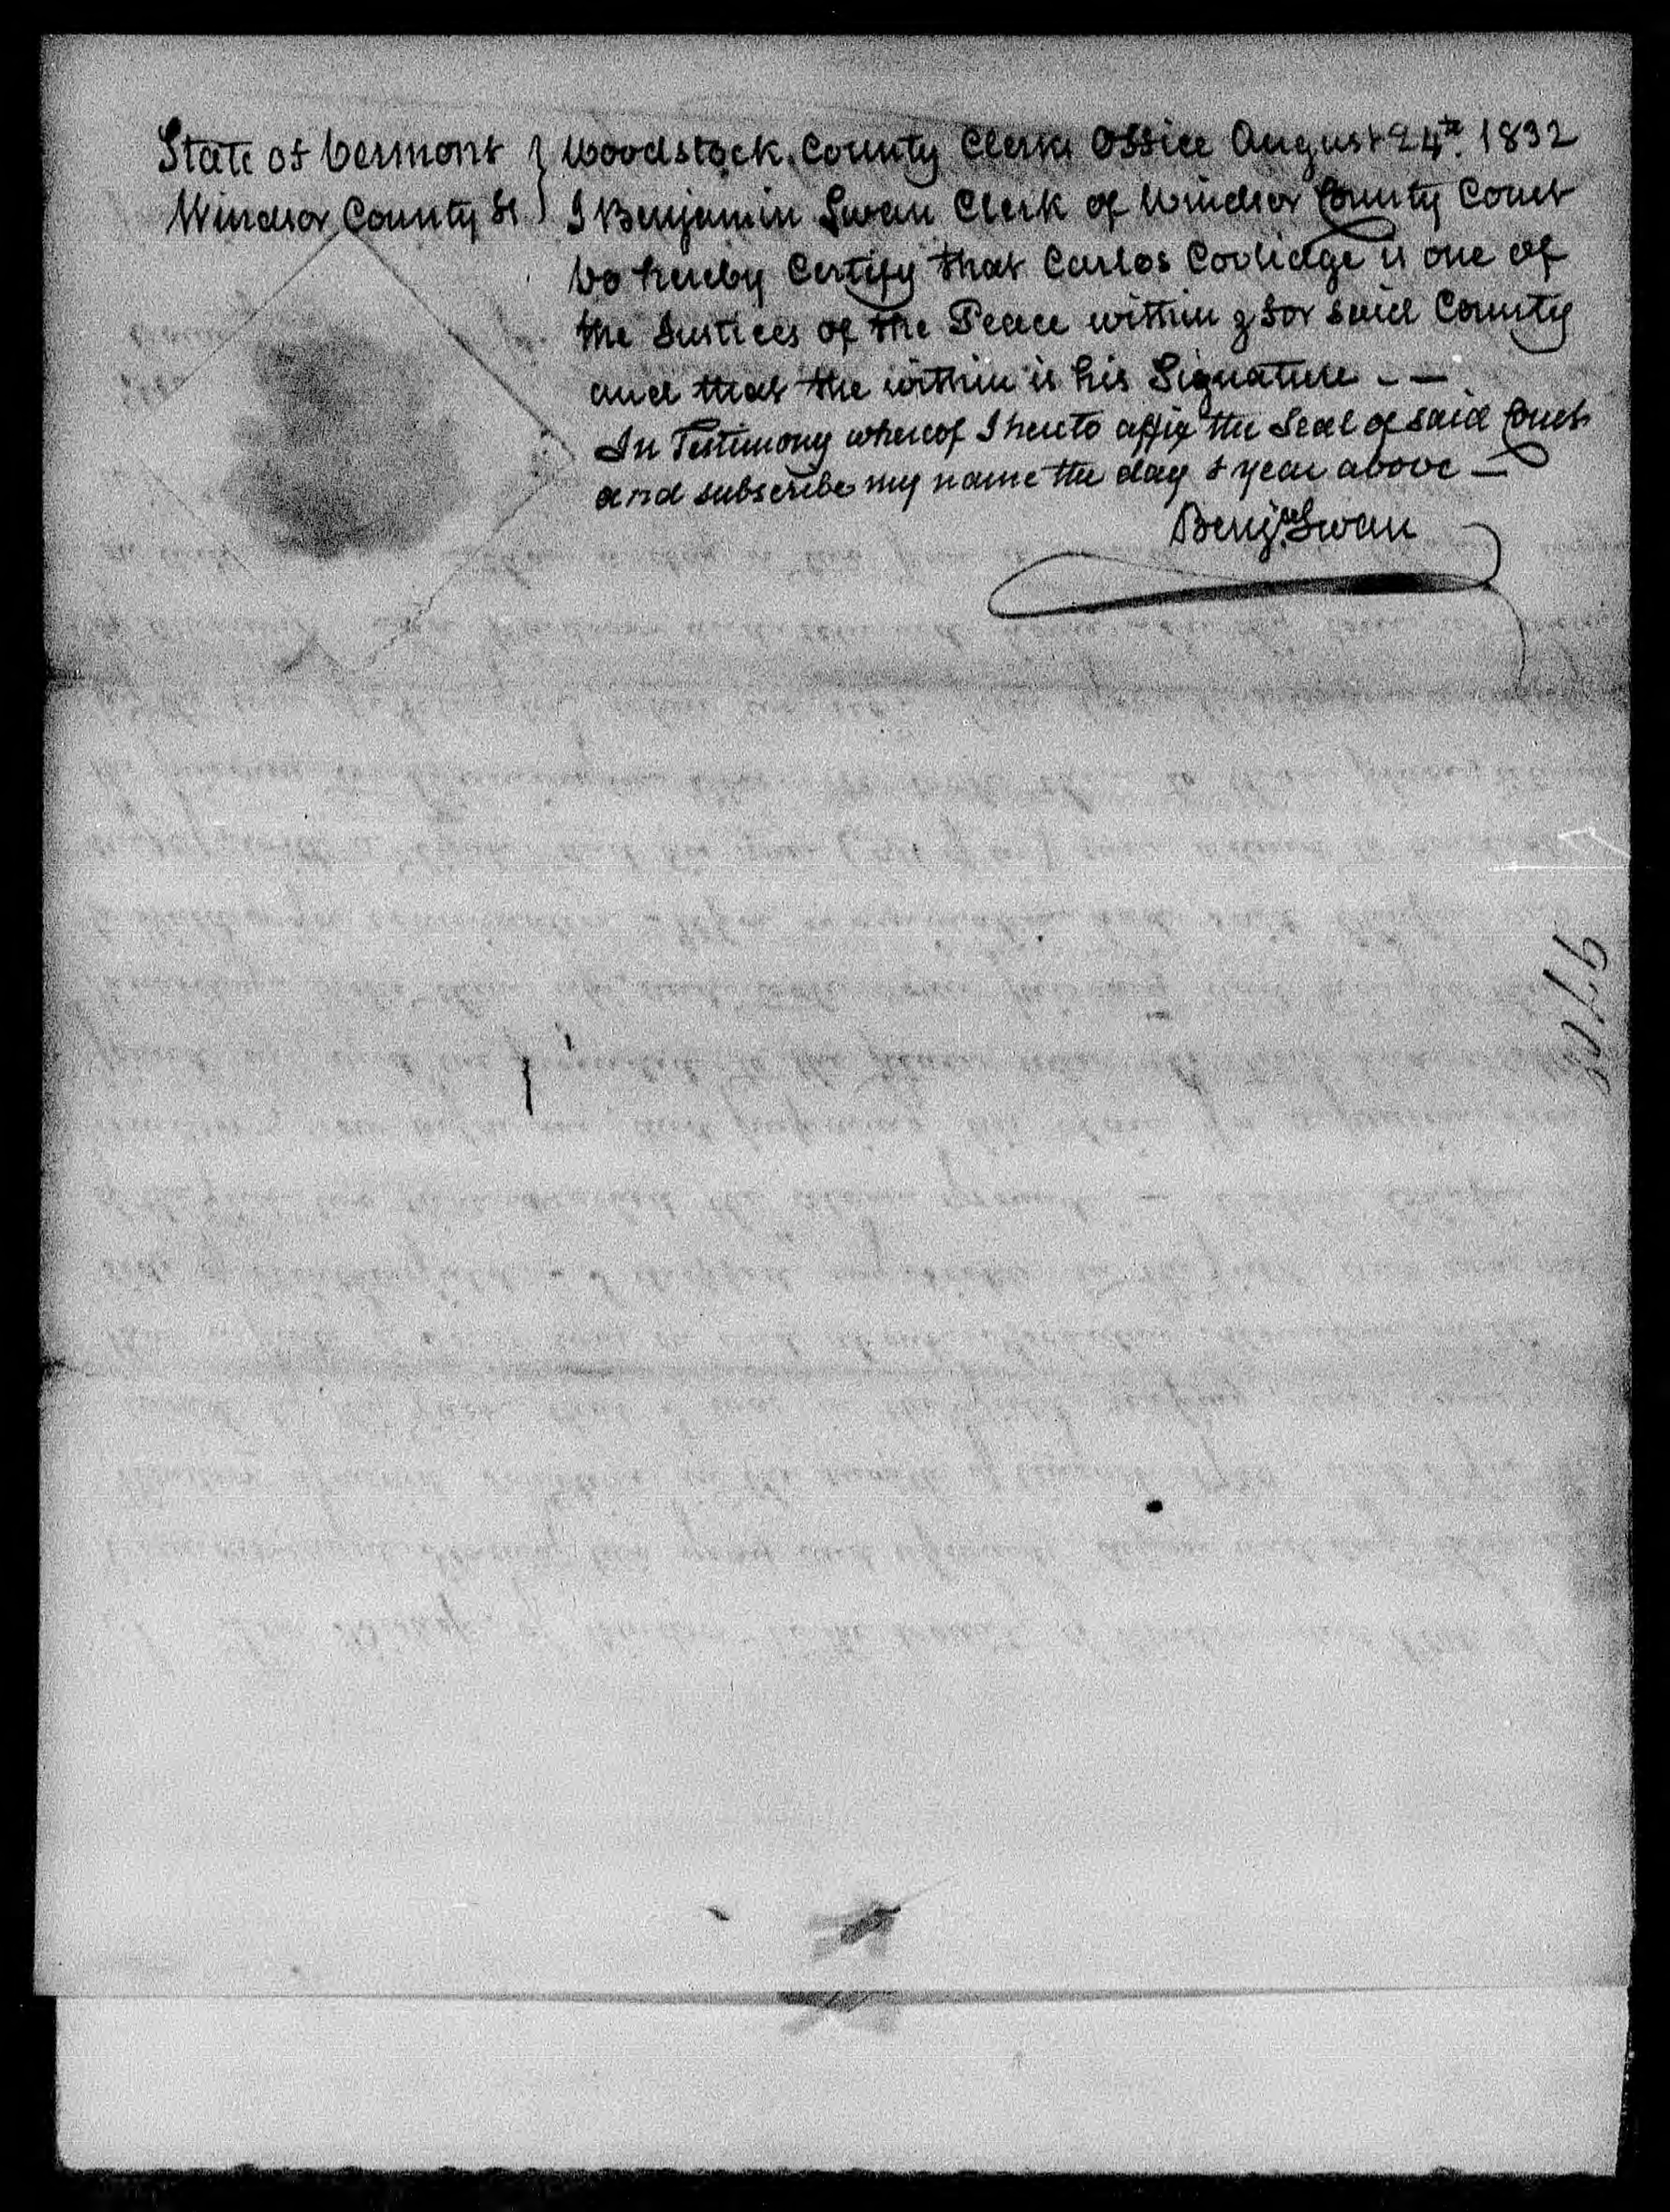State of Vermont
Windsor County ss} Woodstock County Clerks Office August 24th 1832 
I Benjamin Swan Clerk of Windsor County Court do hereby certify that Carlos Coolidge is one of the Justices of the Peace within & for said County and that the within is his Signature -- 
[court seal affixed] In Testimony whereof I hereto affix the Seal of said Court and subscribe my name the day & year above - 
/s/Benj'n Swan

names: Benja Swan, Benjamin Swan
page: 34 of 35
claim: widow's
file: W. 20,864, Calvin Chapin, Mass. Vt.